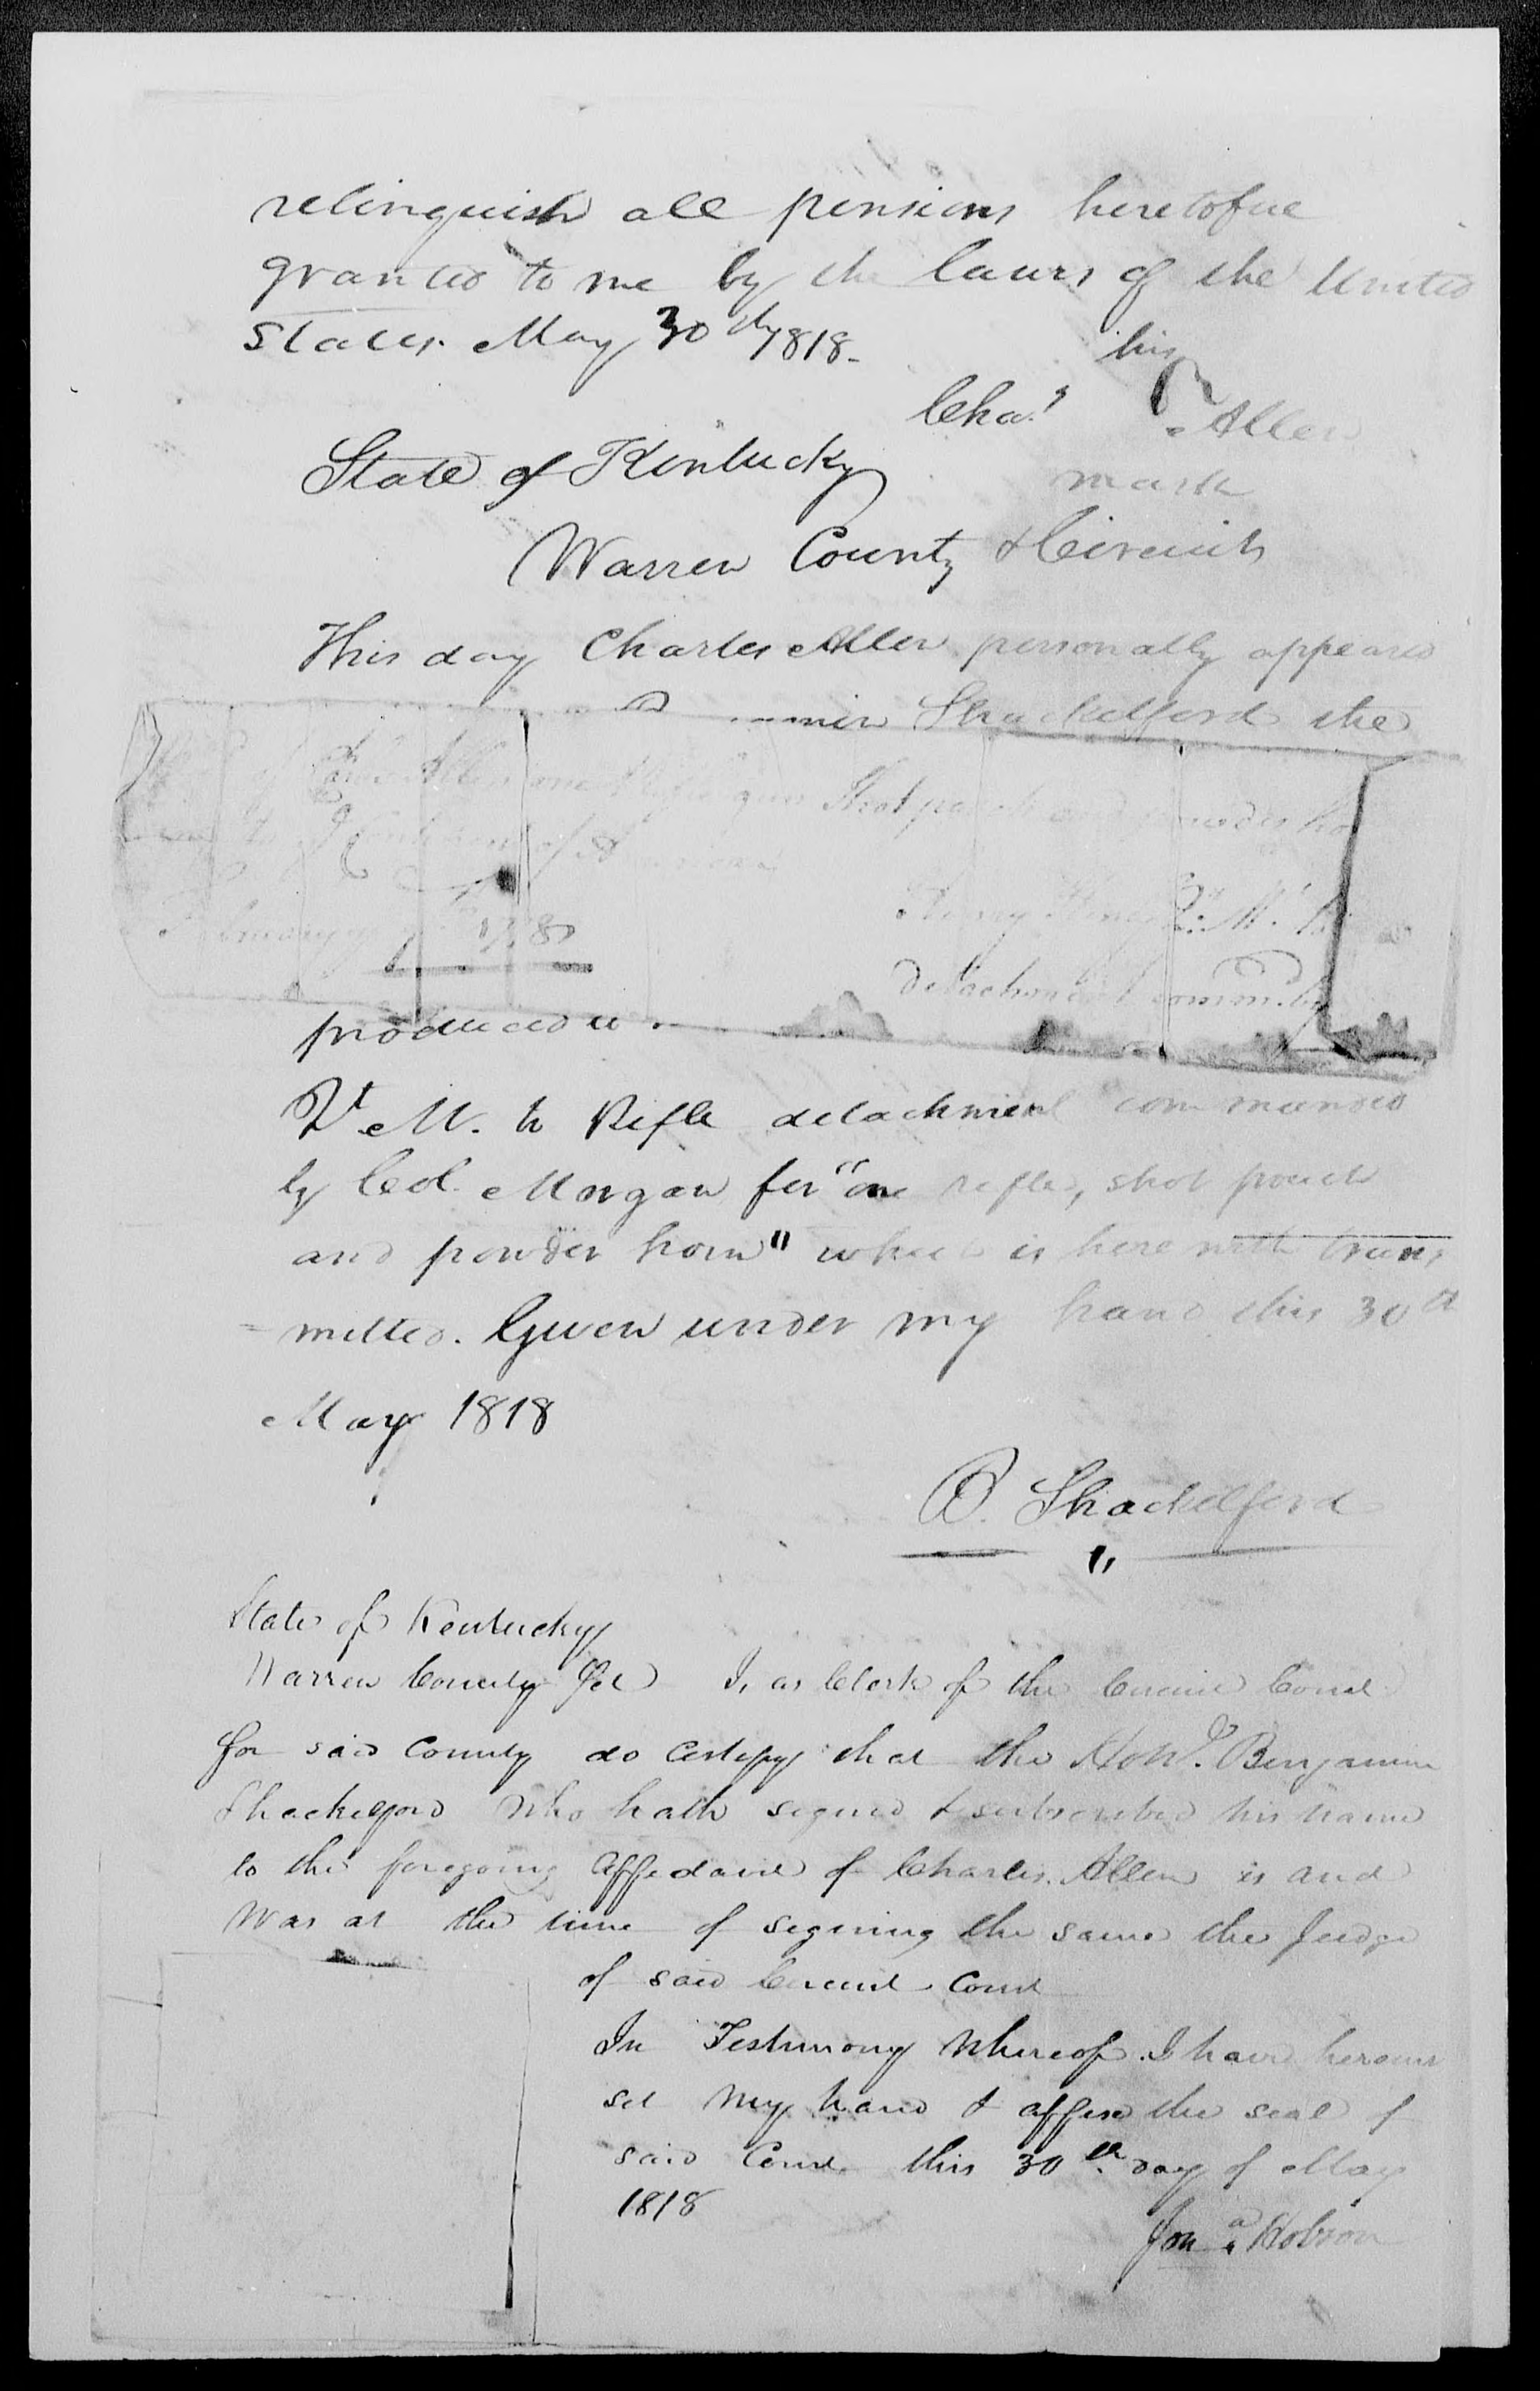relinquished all pensions heretofore granted to me by the laws of the United States May 30th 1818.

C. Allen [ his mark ]

State of Kentucky
Warren County

This day Charles Allen personally appeared ....
to Rifle detachment commanded by Colonel Morgan for  a rifle, shot pouch and powder horn where is not transmitted. Given undery my hand this 30th May 1818

Signed B. Shackleford

State of Kentucky
Warren County

I, as a Clerk of the Court for said County do certify that the Hon. Benjamin Shackleford who hath signed and subscribed his name to the foregoing affidavit of Charles Allen is and was at the time of signing the same the judge of said General Court. In testimoney whereof, I have herous set my hand I offer the seal of the said Court this 30th May of 1818.

Jona Hobson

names: Charles Allen, Charles Allen, Jona Hobson, Morgan, B Shackelford, Benjamin Shackelford, Chas Allen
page: 5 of 22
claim: survivor's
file: S. 36399, Charles Allen, Va.